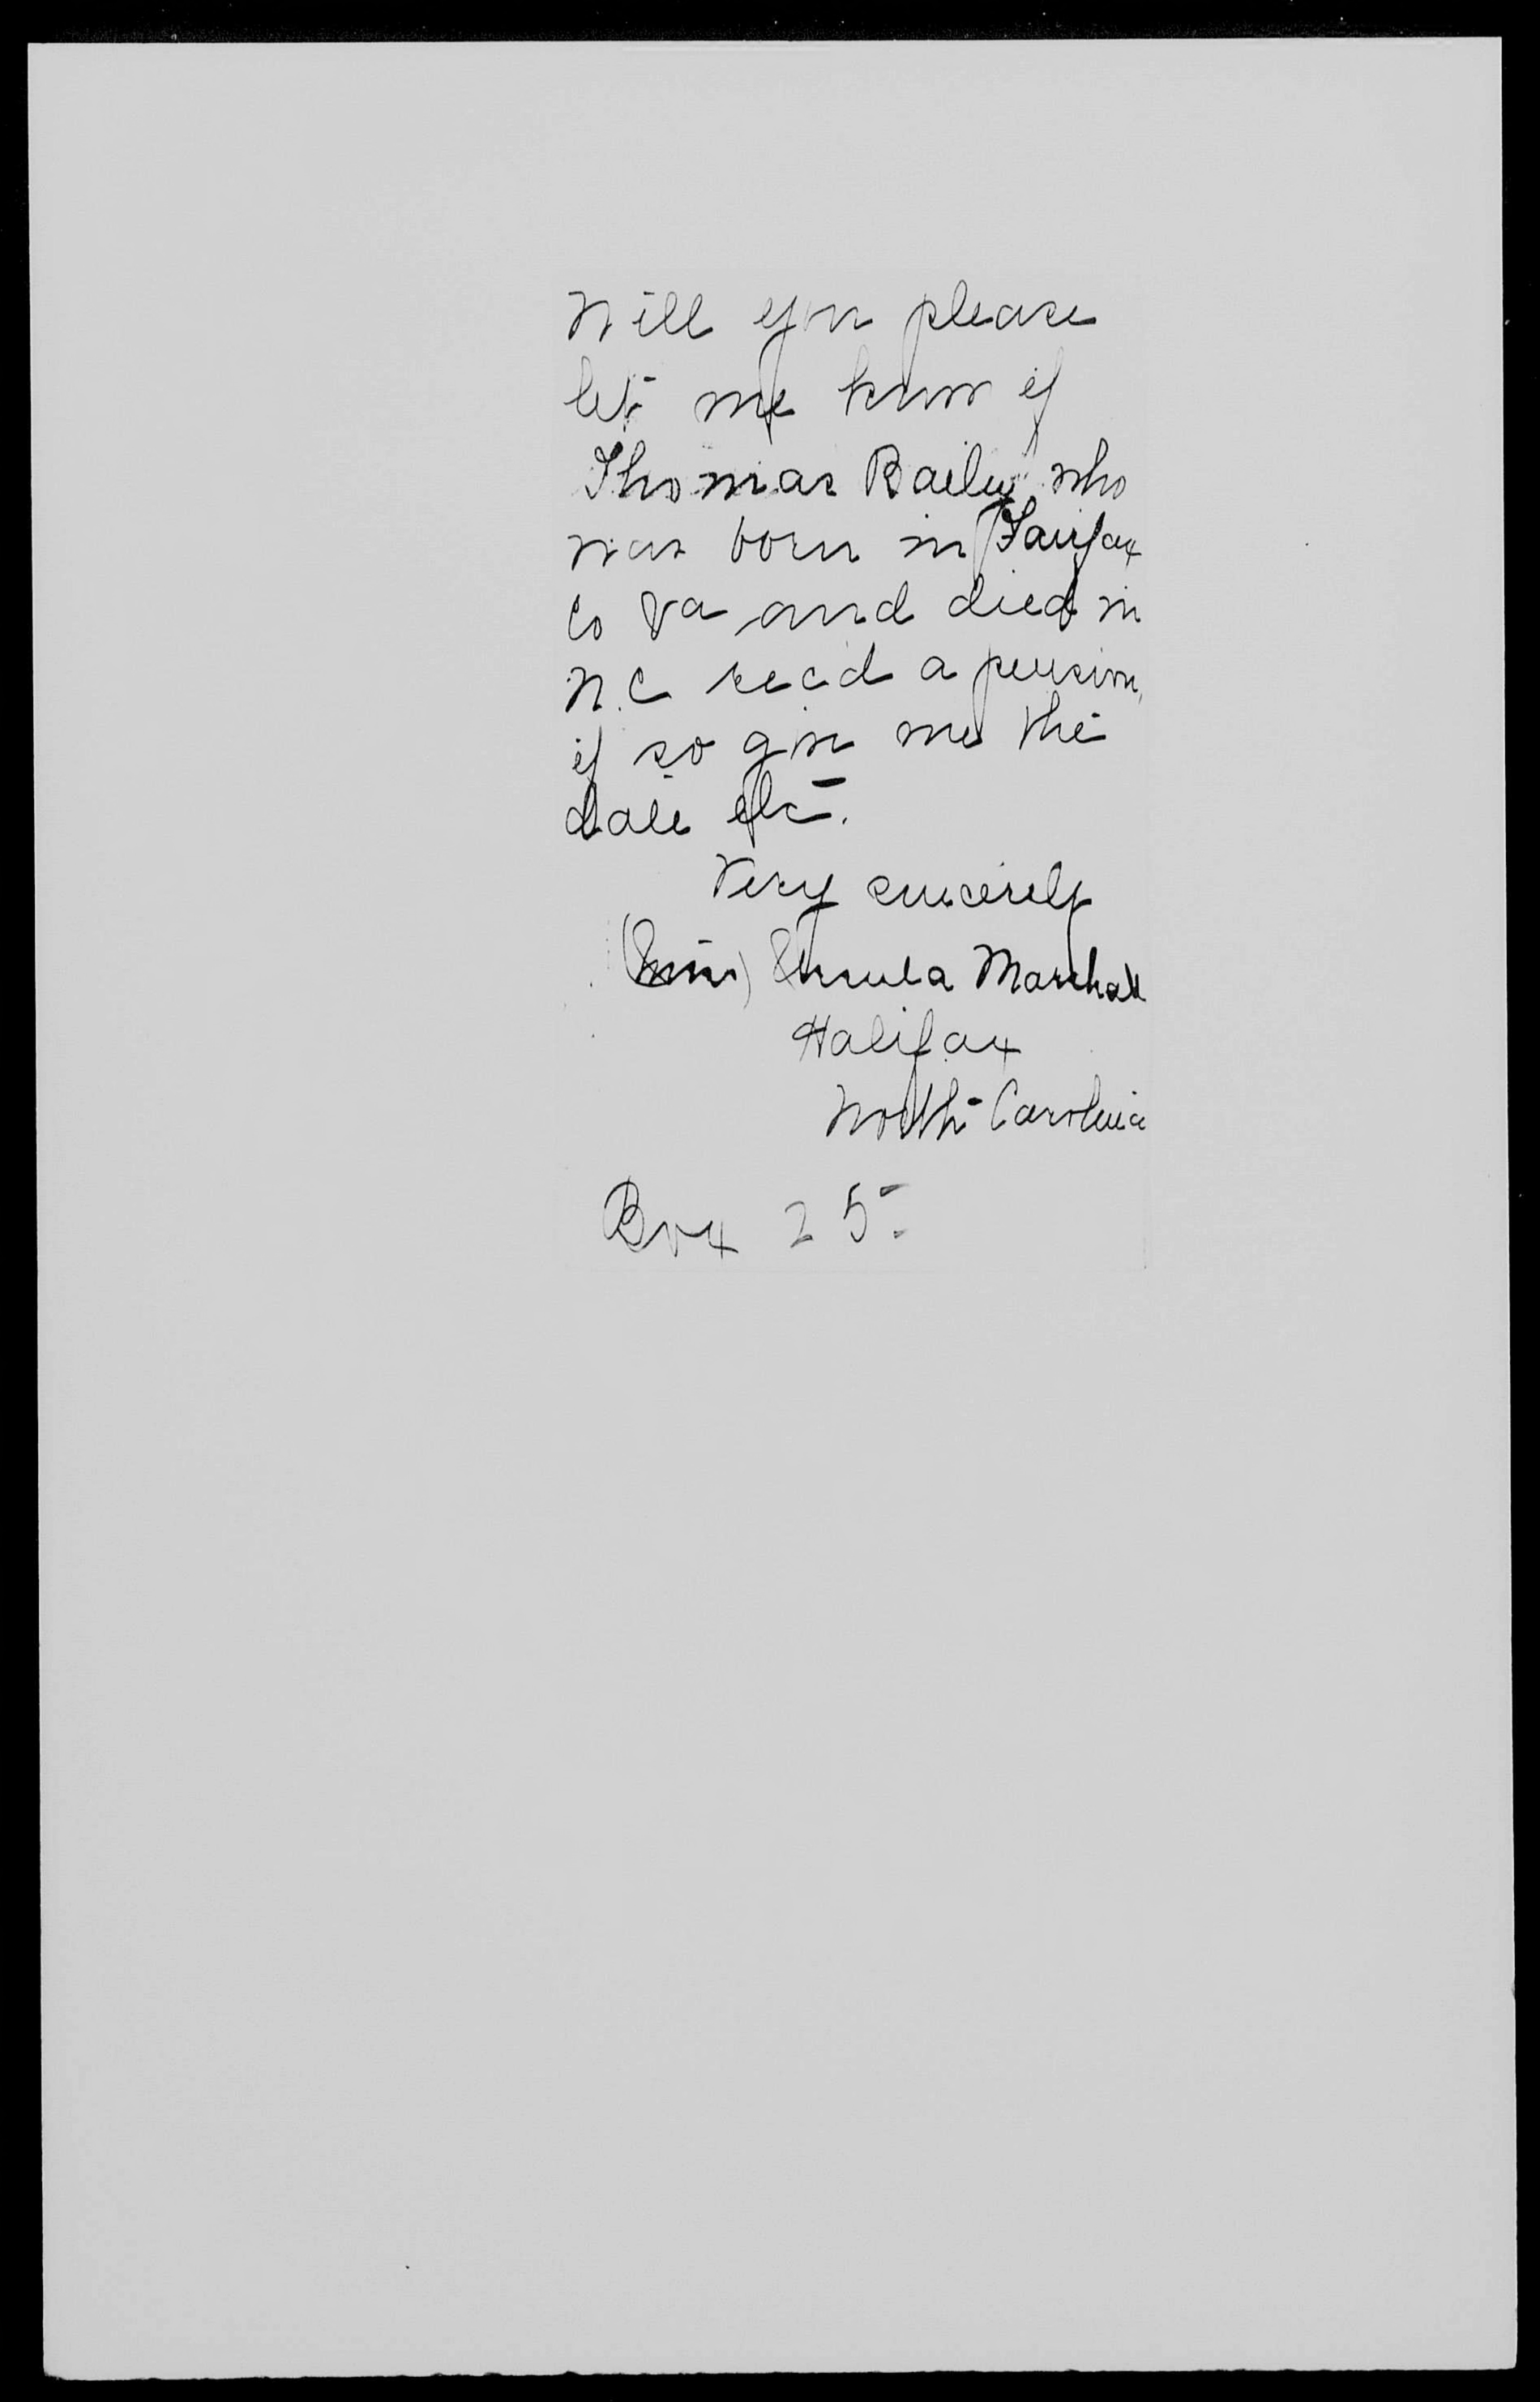Will you please
let me know if
Thomas Bailey who
was born in Fairfax
Co. Va, and died in
N.C. rec'd a pension,
if so give me the
date etc.
Very sincerely
(Miss) Ursula Marshall
Halifax
North Carolina
Box 25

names: Thomas Bailey, Ursula Marshall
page: 13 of 18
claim: survivor's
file: S. 6578, Thomas Bailey, Va.